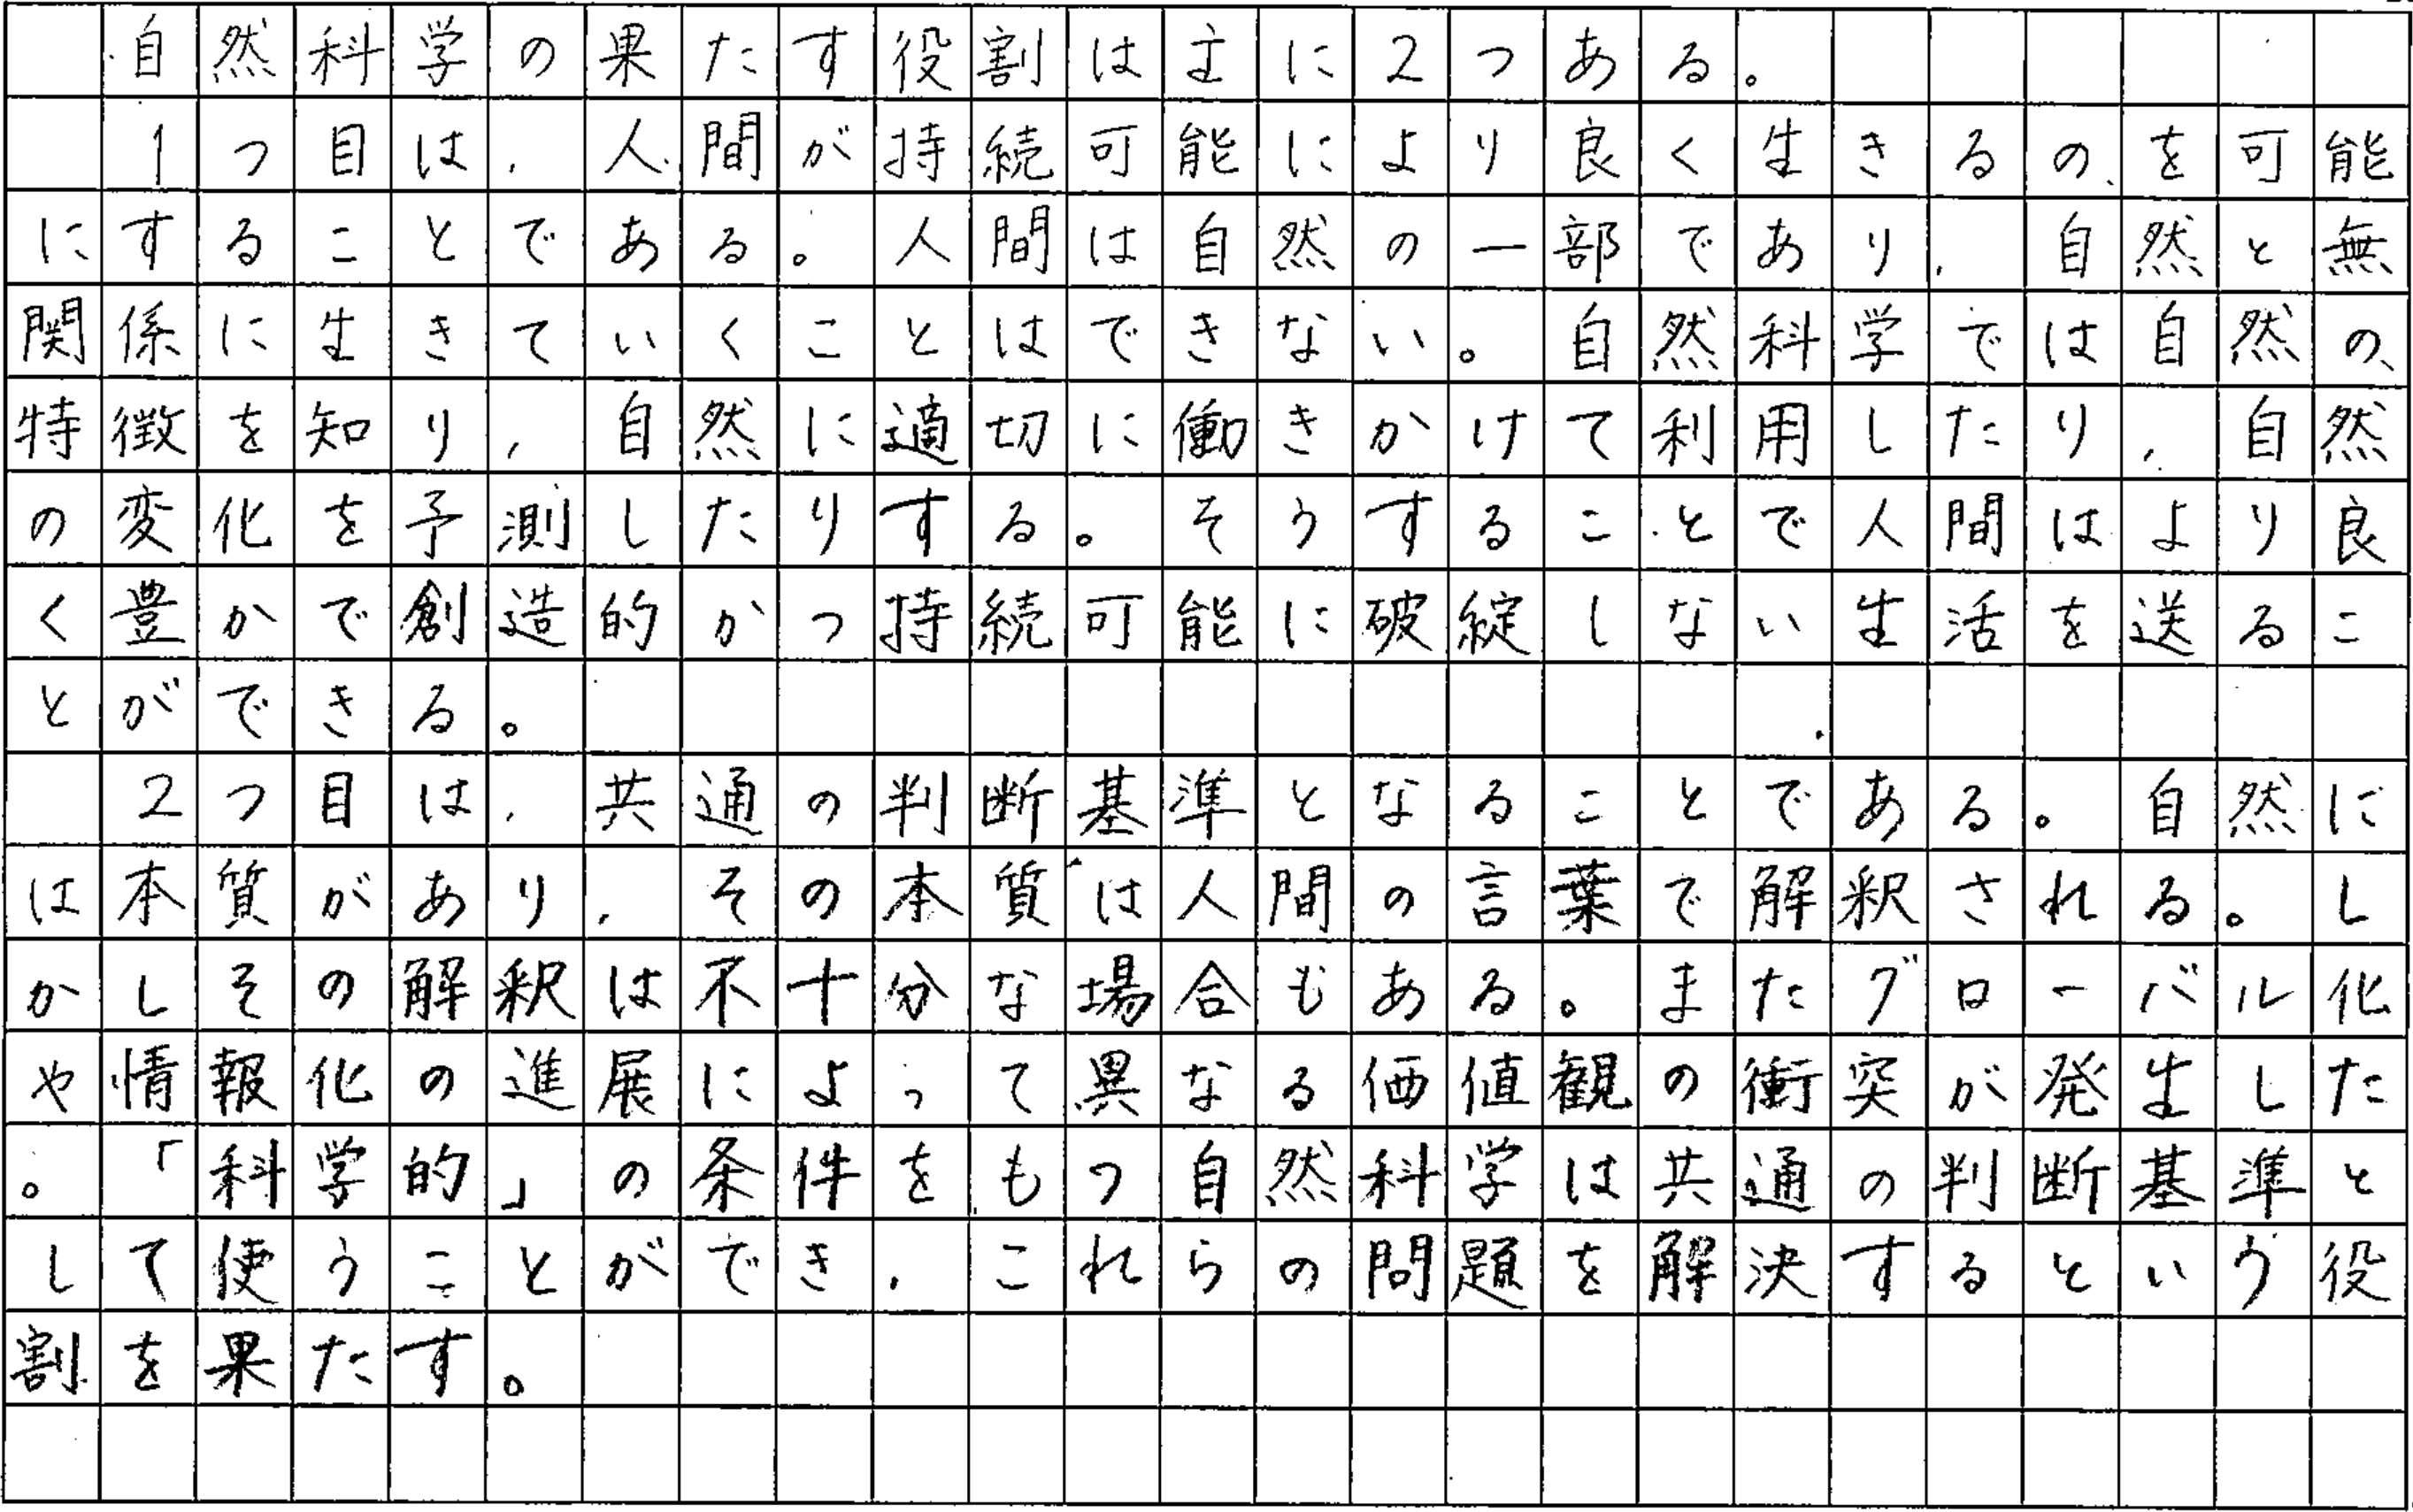　自然科学の果たす役割は主に２つある。
　１つ目は、人間が持続可能により良く生きるのを可能にすることである。人間は自然の一部であり、自然と無関係に生きていくことはできない。自然科学では自然の特徴を知り、自然に適切に働きかけて利用したり、自然の変化を予測したりする。そうすることで人間はより良く豊かで創造的かつ持続可能に破綻しない生活を送ることができる。
　２つ目は、共通の判断基準となることである。自然には本質があり、その本質は人間の言葉で解釈される。しかしその解釈は不十分な場合もある。またグローバル化や情報化の進展によって異なる価値観の衝突が発生した。「科学的」の条件をもつ自然科学は共通の判断基準として使うことができ、これらの問題を解決するという役割を果たす。
